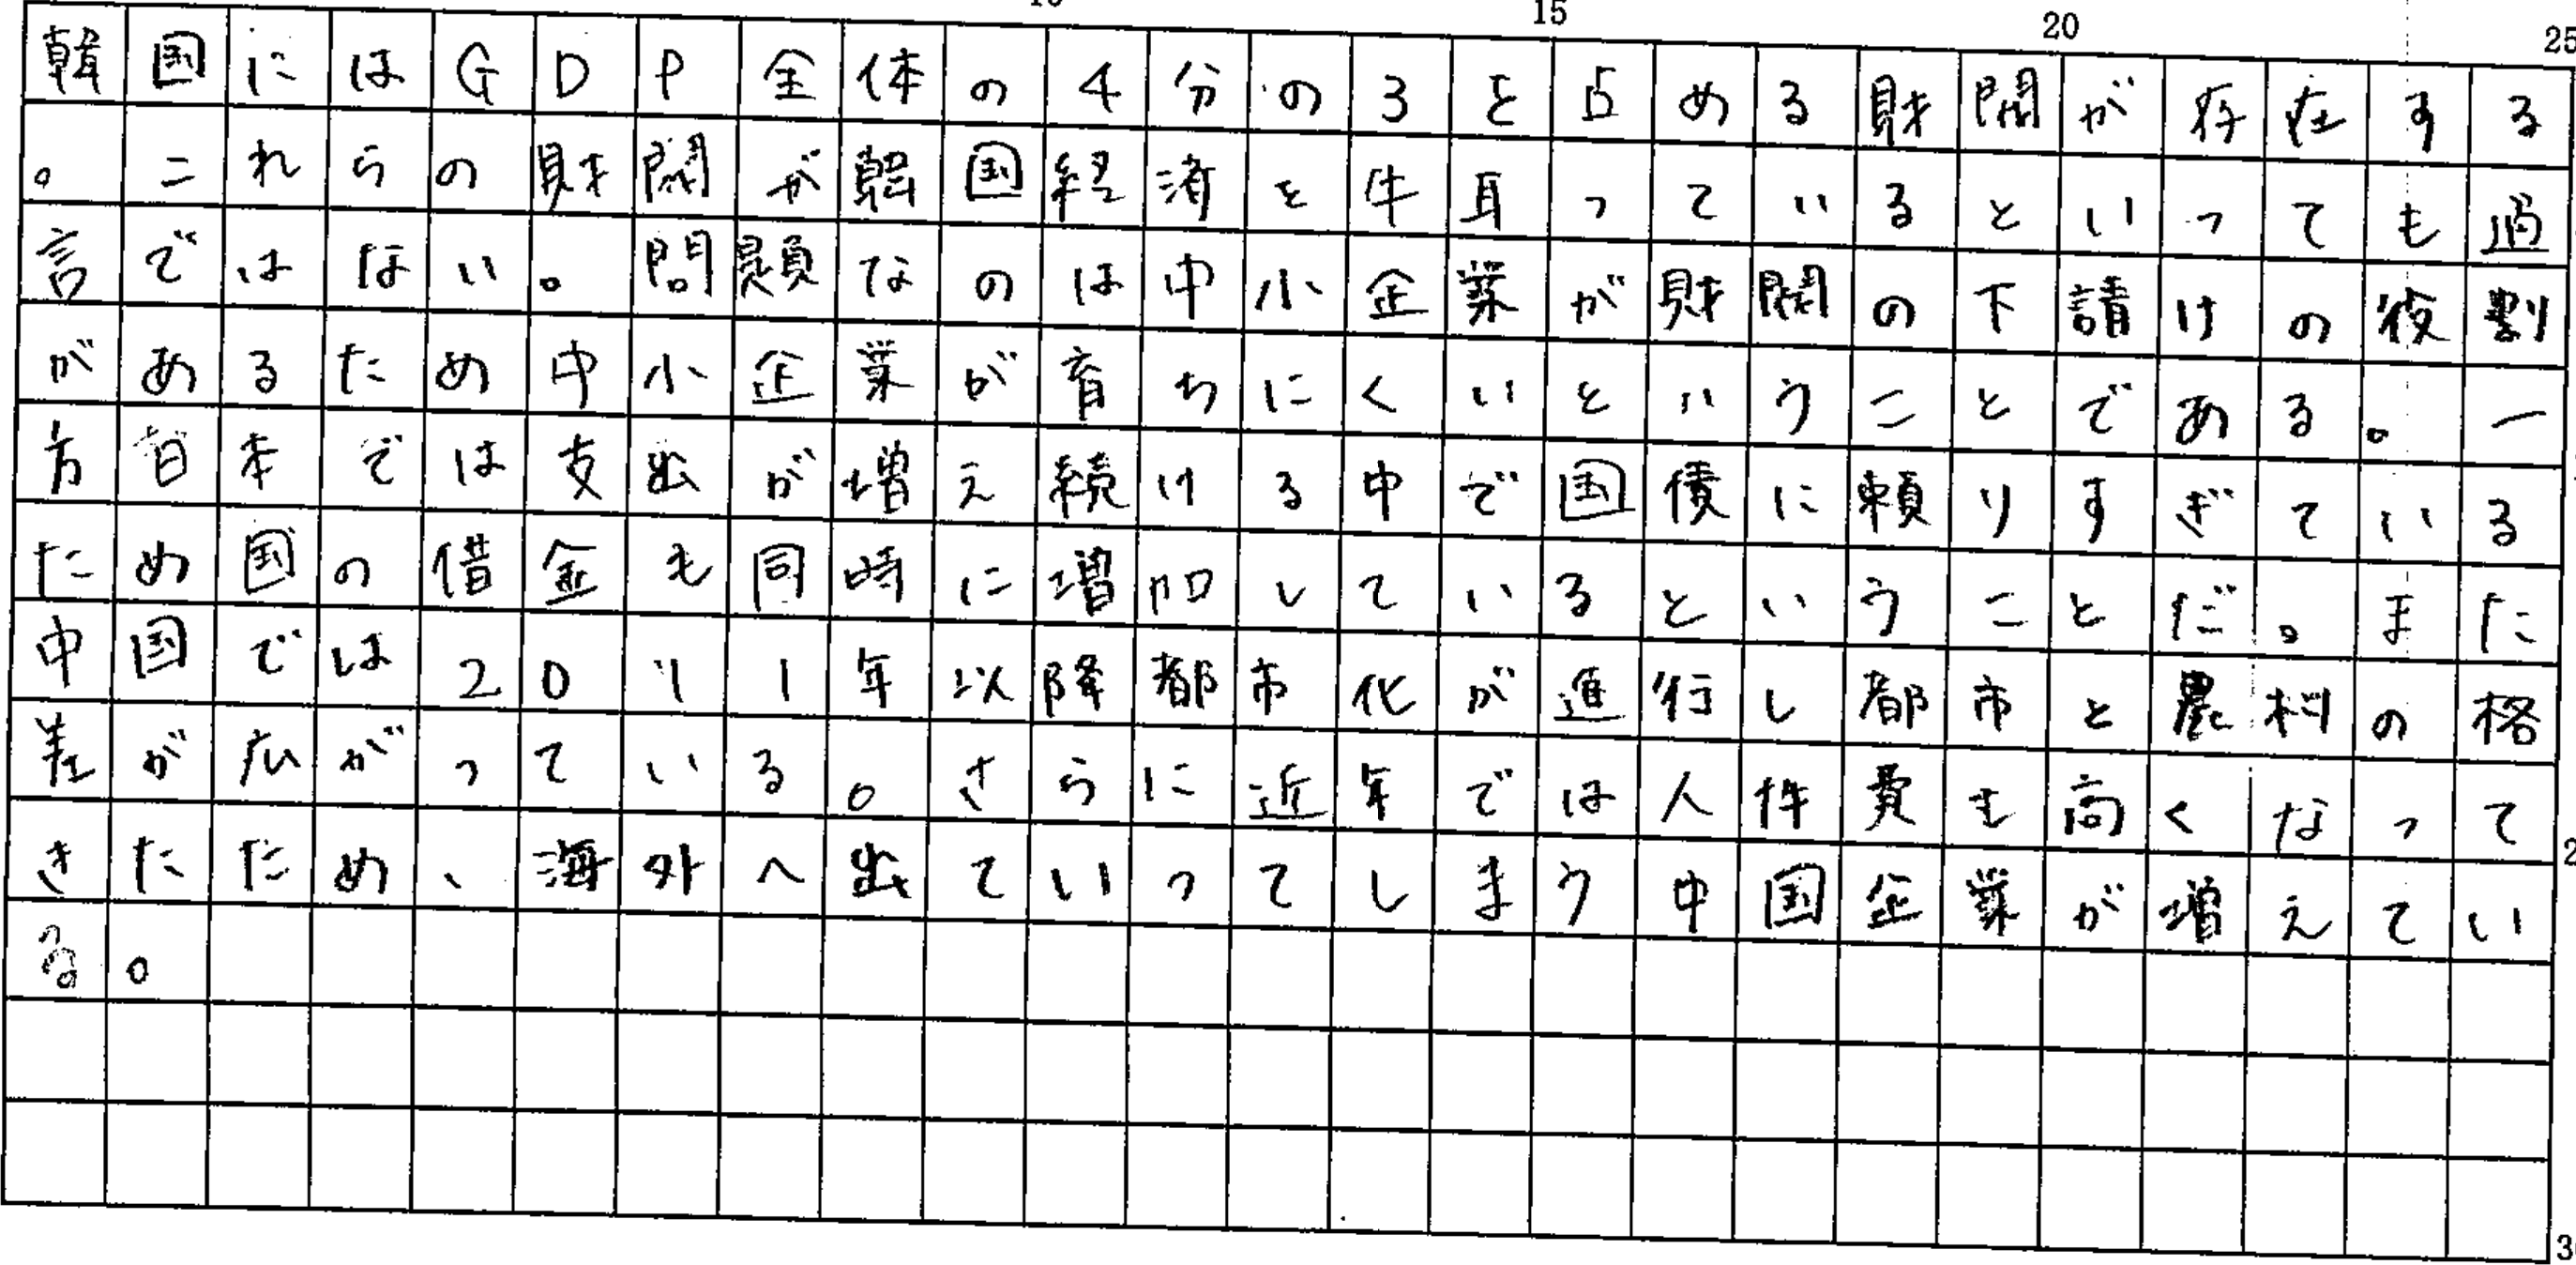韓国にはＧＤＰ全体の４分の３を占める財閥が存在する。これらの財閥が韓国経済を牛耳っているといっても過言ではない。問題なのは中小企業が財閥の下請けの役割があるため中小企業が育ちにくいということである。一方日本では支出が増え続ける中で国債に頼りすぎているため国の借金も同時に増加しているということだ。また中国では２０１１年以降都市化が進行し都市と農村の格差が広がっている。さらに近年では人件費も高くなってきたため、海外へ出ていってしまう中国企業が増えている。
